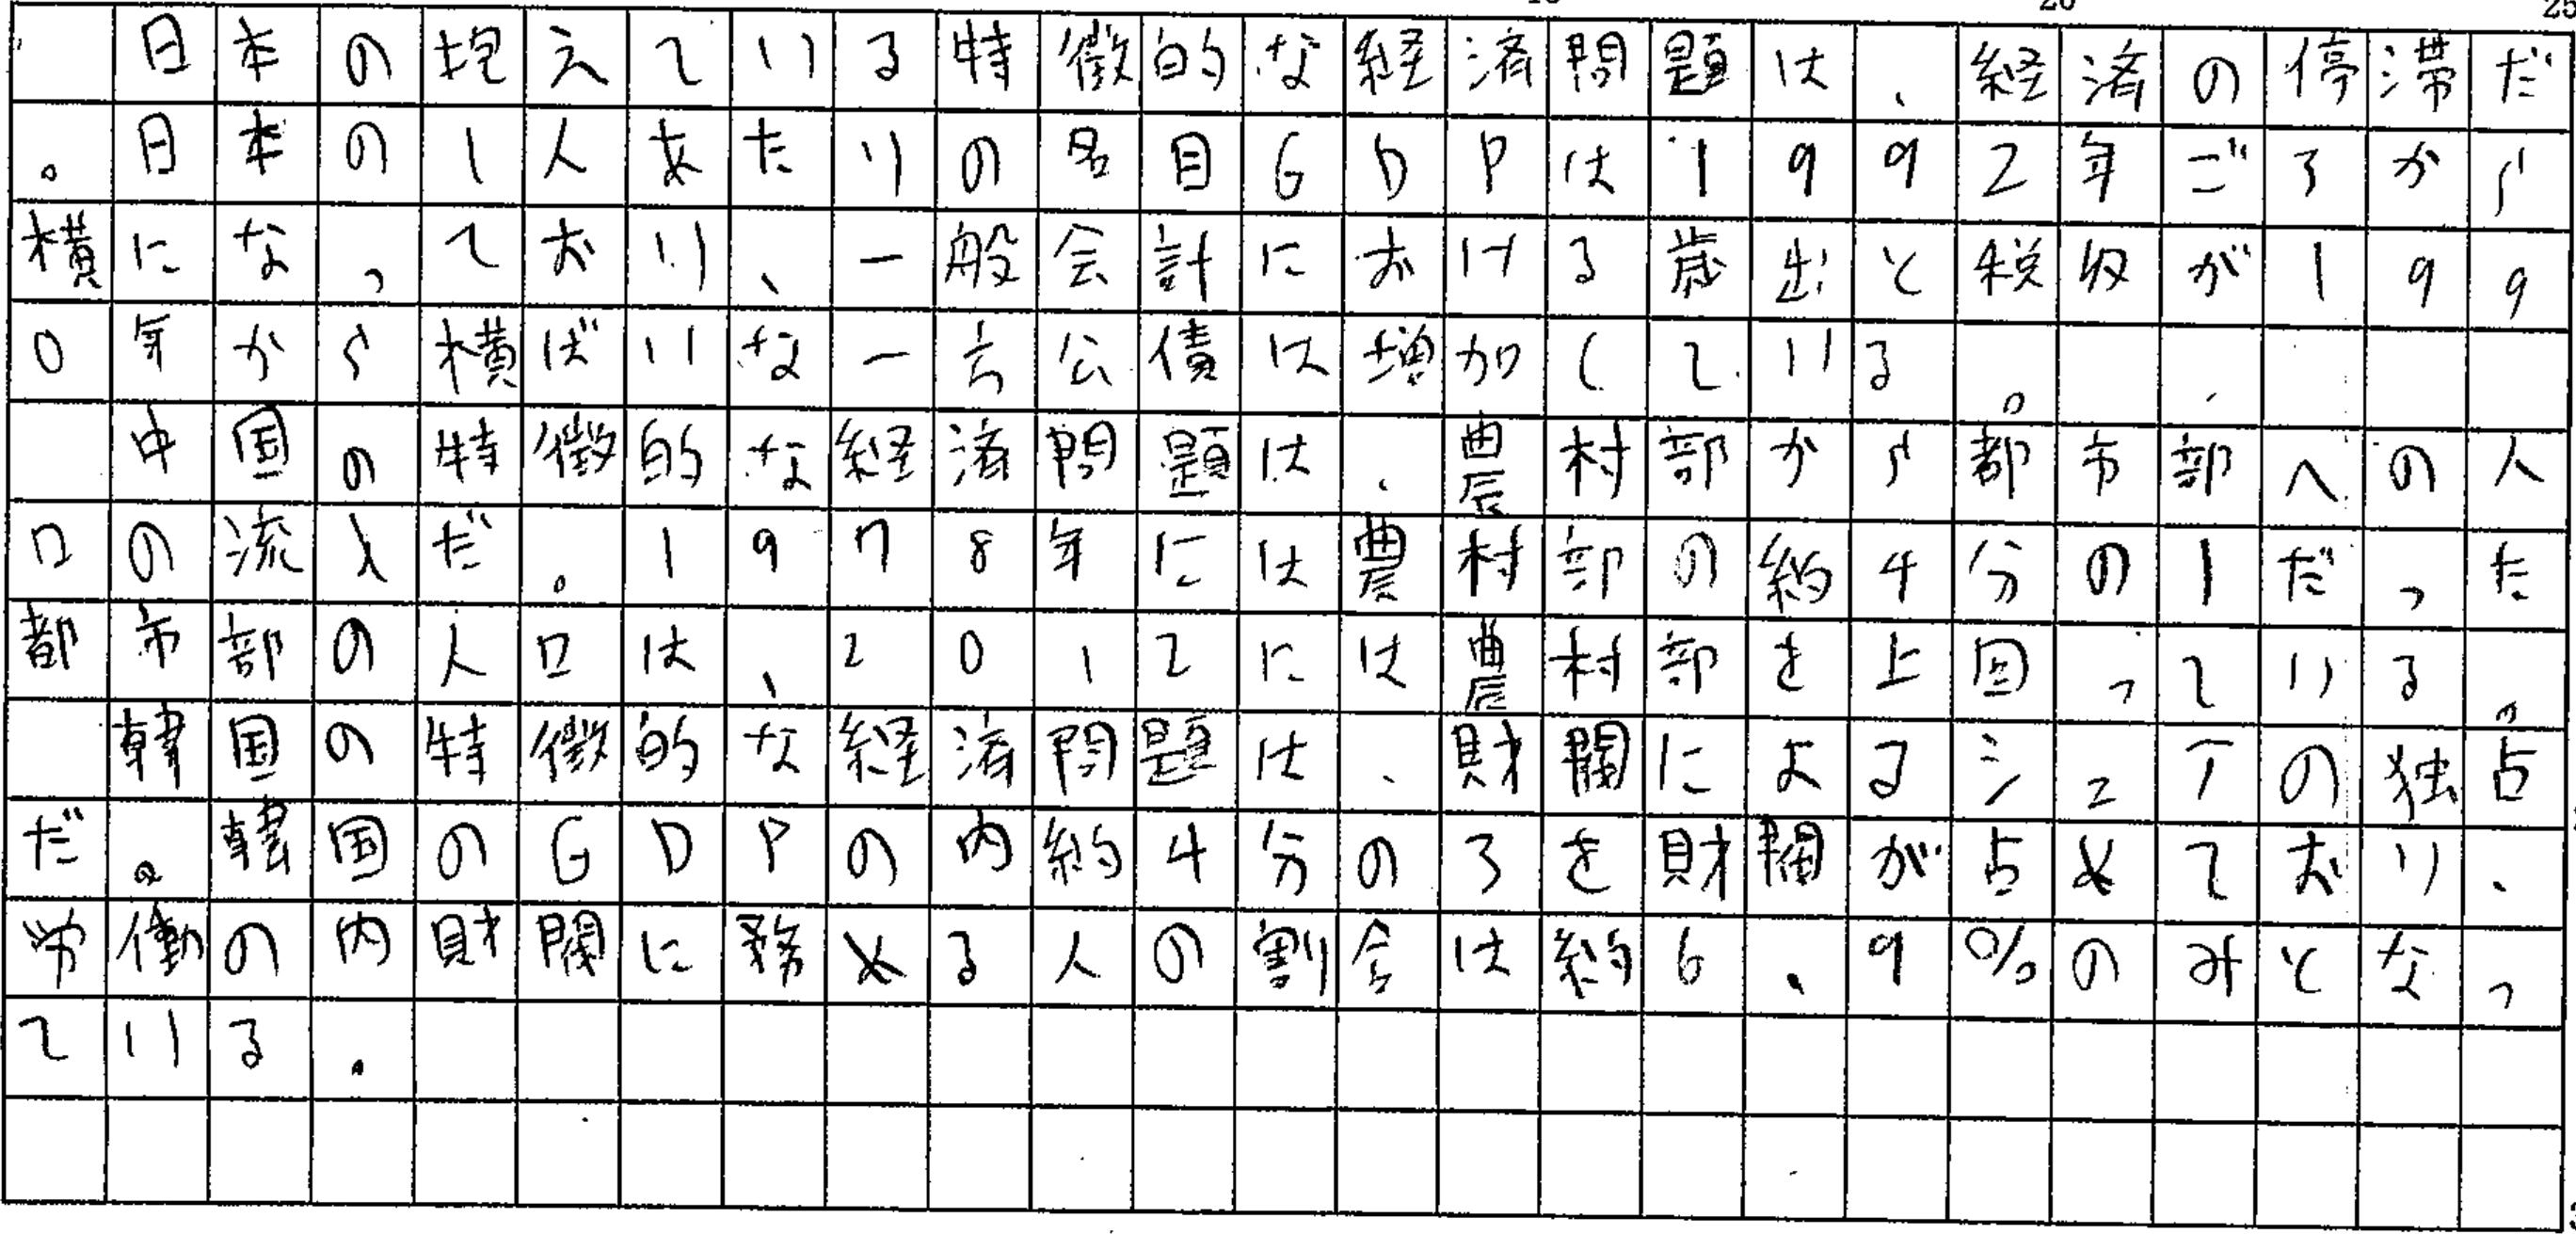　日本の抱えている特徴的な経済問題は、経済の停滞だ。日本の１人あたりの名目ＧＤＰは１９９２年ごろから横になっており、一般会計における歳出と税収が１９９０年から横ばいな一方公債は増加している。
　中国の特徴的な経済問題は、農村部から都市部への人口の流入だ。１９７８年には農村部の約４分の１だった都市部の人口は、２０１２には農村部を上回っている。
　韓国の特徴的な経済問題は、財閥によるシェアの独占だ。韓国のＧＤＰの内約４分の３を財閥が占めており、労働の内財閥に務める人の割合は約６．９％のみとなっている。
